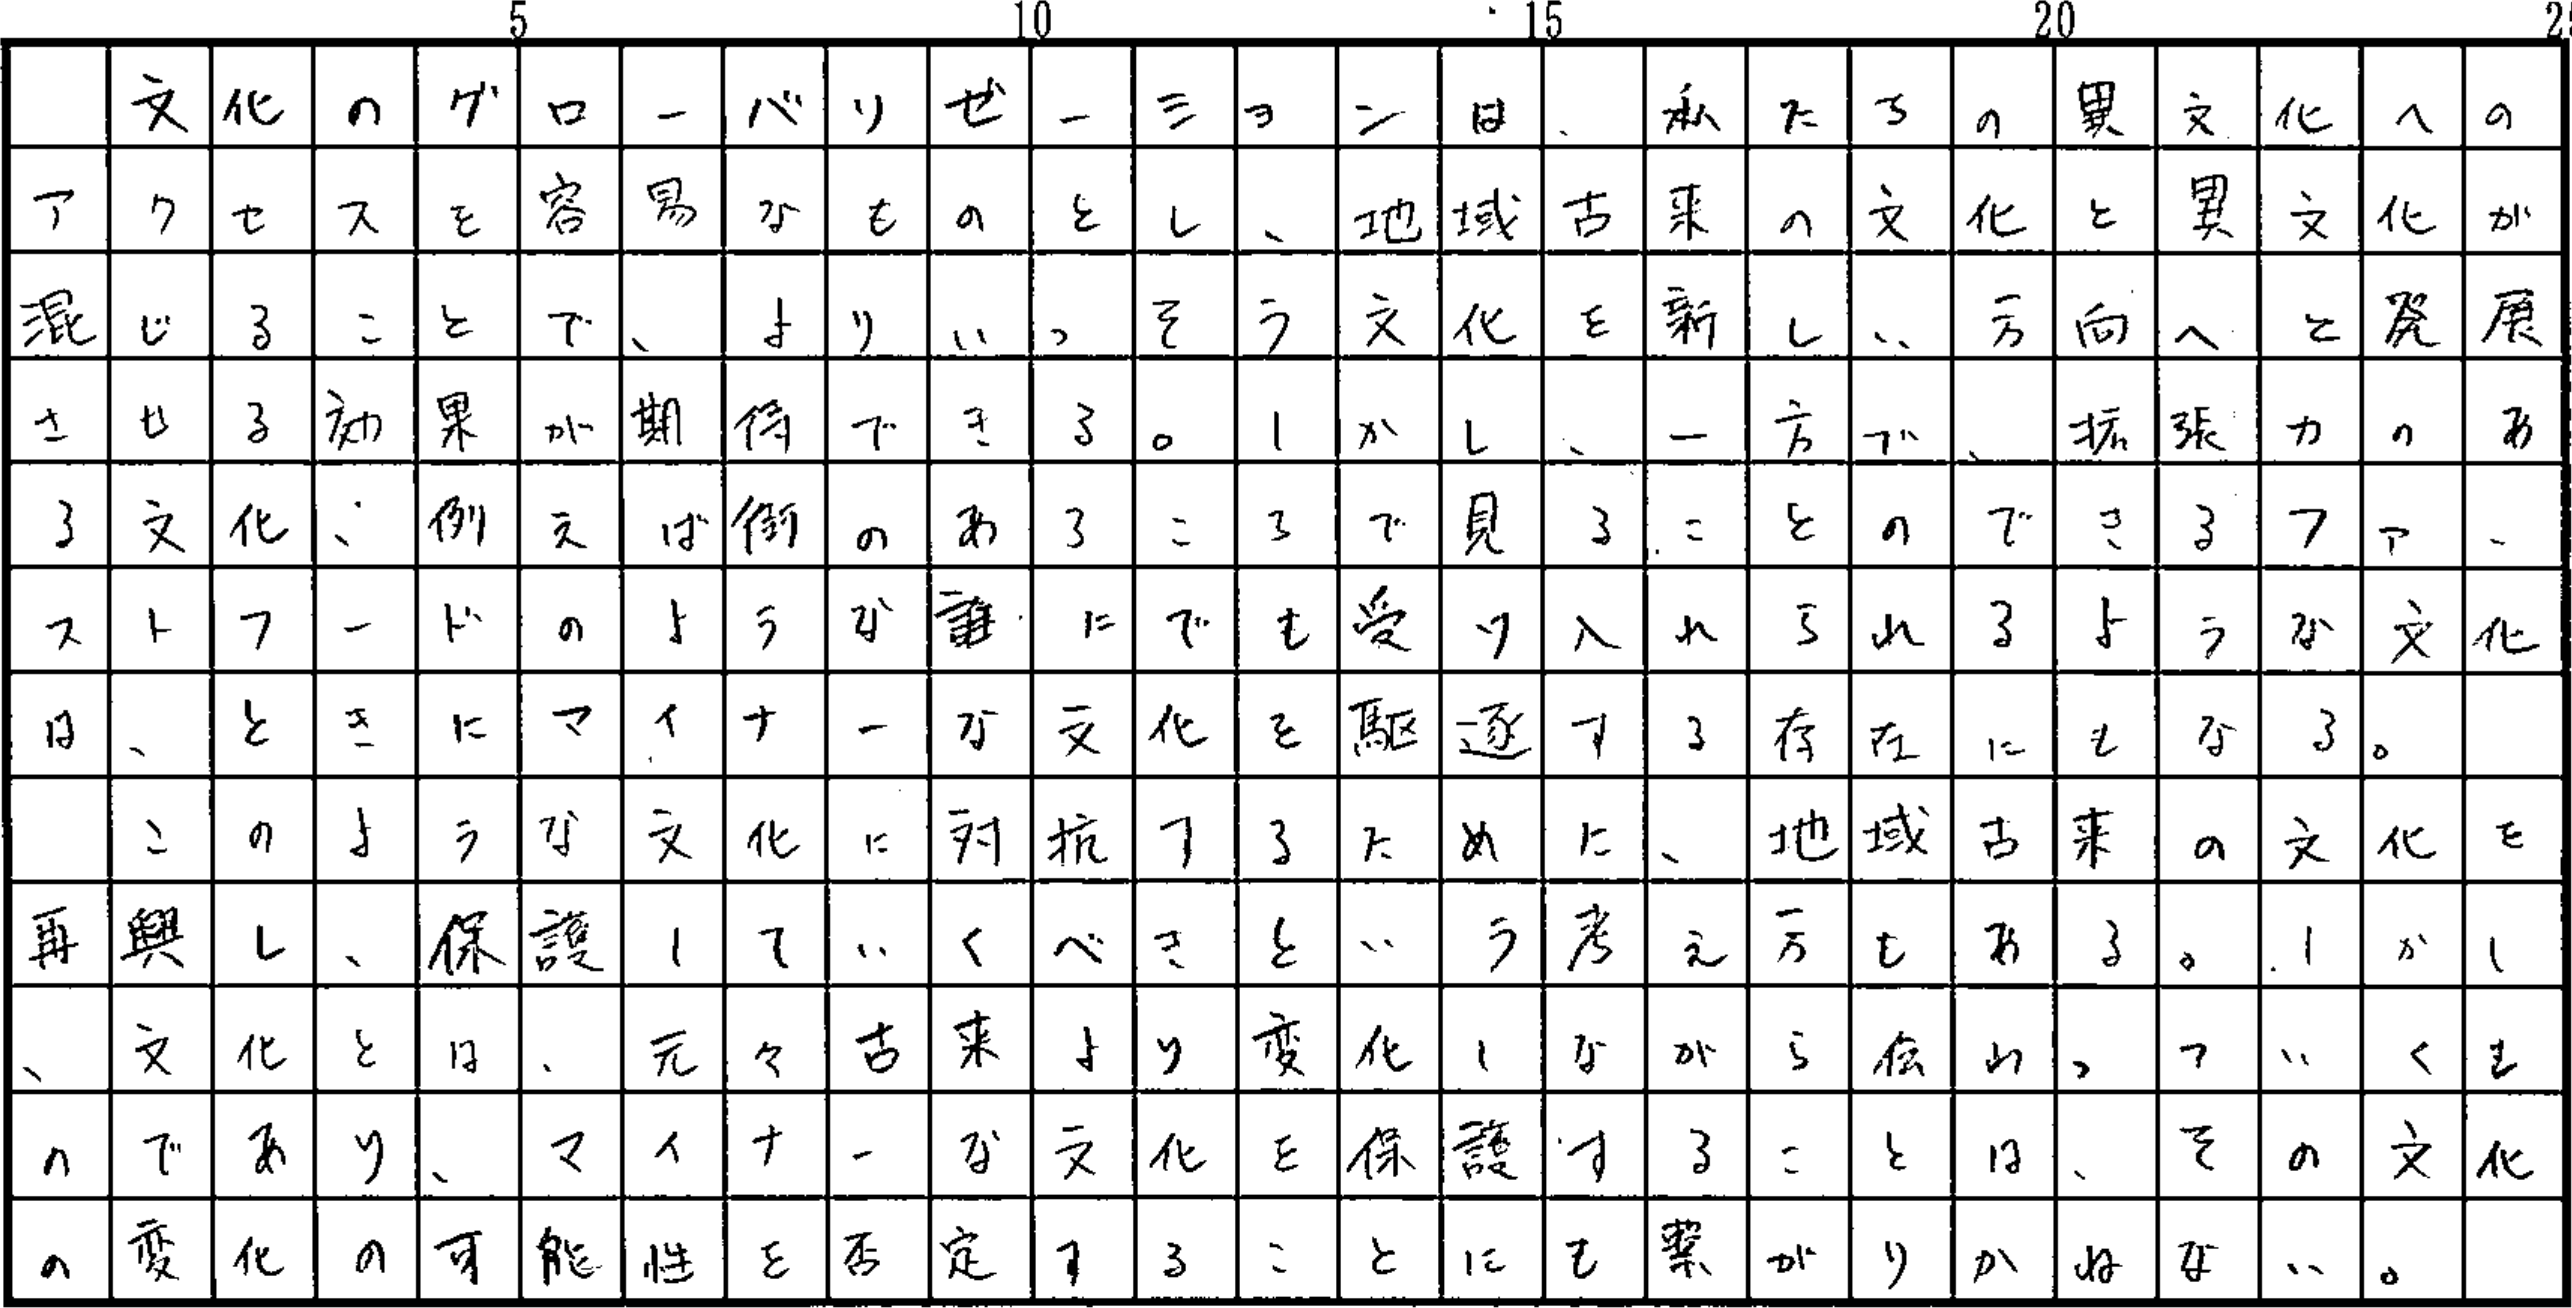　文化のグローバリゼーションは、私たちの異文化へのアクセスを容易なものとし、地域古来の文化と異文化が混じることで、よりいっそう文化を新しい方向へと発展させる効果が期待できる。しかし、一方で、拡張力のある文化、例えば街のあちこちで見ることのできるファーストフードのような誰にでも受け入れられるような文化は、ときにマイナーな文化を駆逐する存在にもなる。
　このような文化に対抗するために、地域古来の文化を再興し、保護していくべきという考え方もある。しかし、文化とは、元々古来より変化しながら伝わっていくものであり、マイナーな文化を保護することは、その文化の変化の可能性を否定することにも繋がりかねない。
